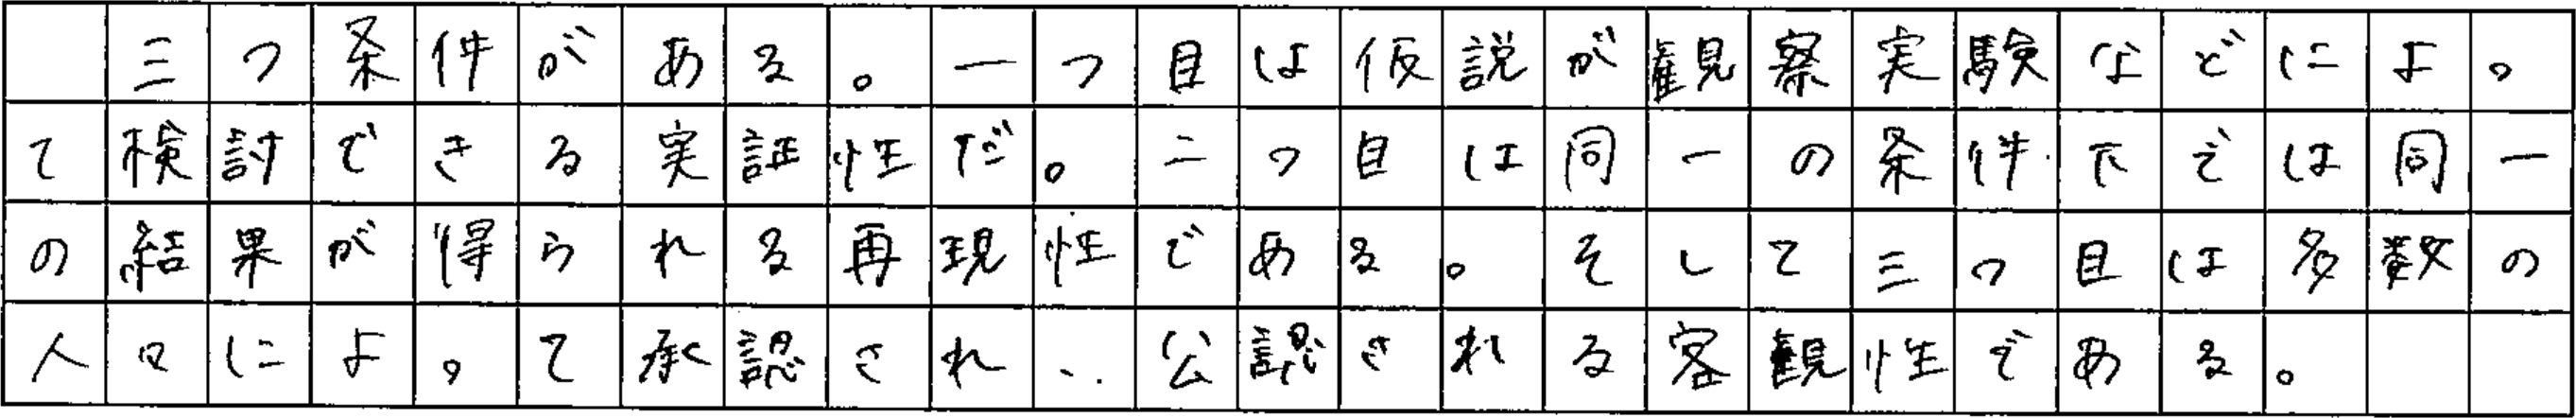　三つ条件がある。一つ目は仮説が観察実験などによって検討できる実証性だ。二つ目は同一の条件下では同一の結果が得られる再現性である。そして三つ目は多数の人々によって承認され、公認される客観性である。
